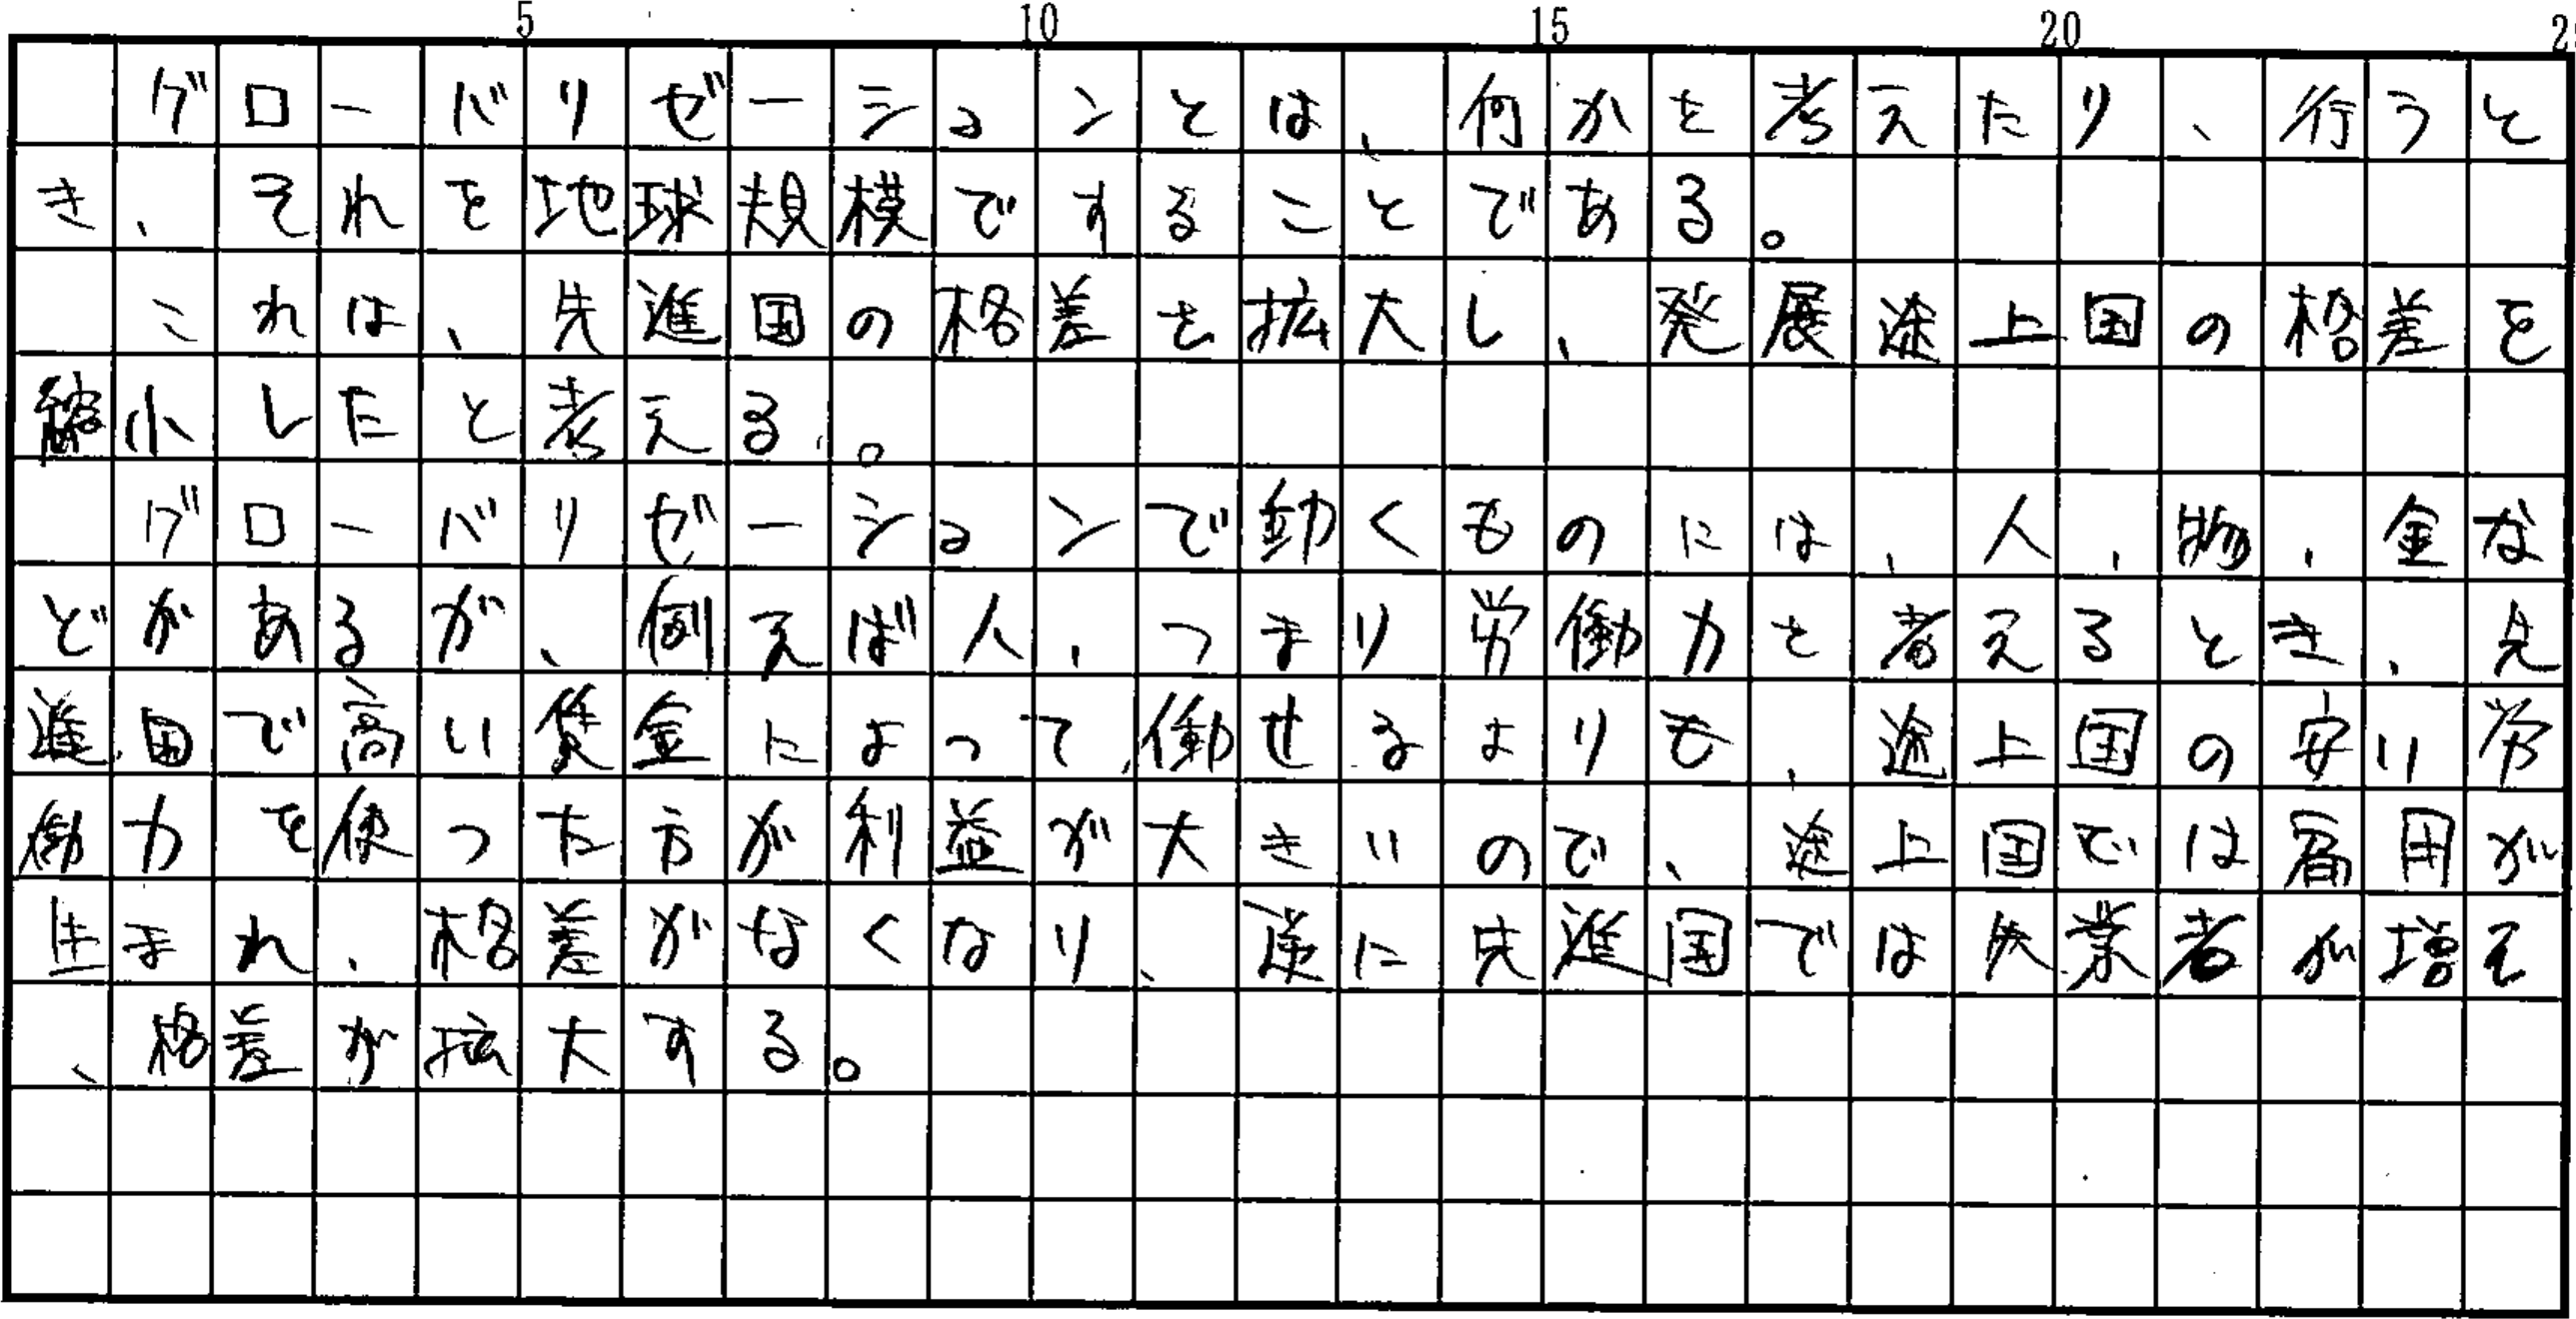　グローバリゼーションとは、何かを考えたり、行うとき、それを地球規模ですることである。　
　これは、先進国の格差を拡大し、発展途上国の格差を縮小したと考える。
　グローバリゼーションで動くものには、人、物、金などがあるが、例えば人、つまり労働力を考えるとき、先進国で高い賃金によって働せるよりも、途上国の安い労働力を使った方が利益が大きいので、途上国では雇用が生まれ、格差がなくなり、逆に先進国では失業者が増え、格差が拡大する。
